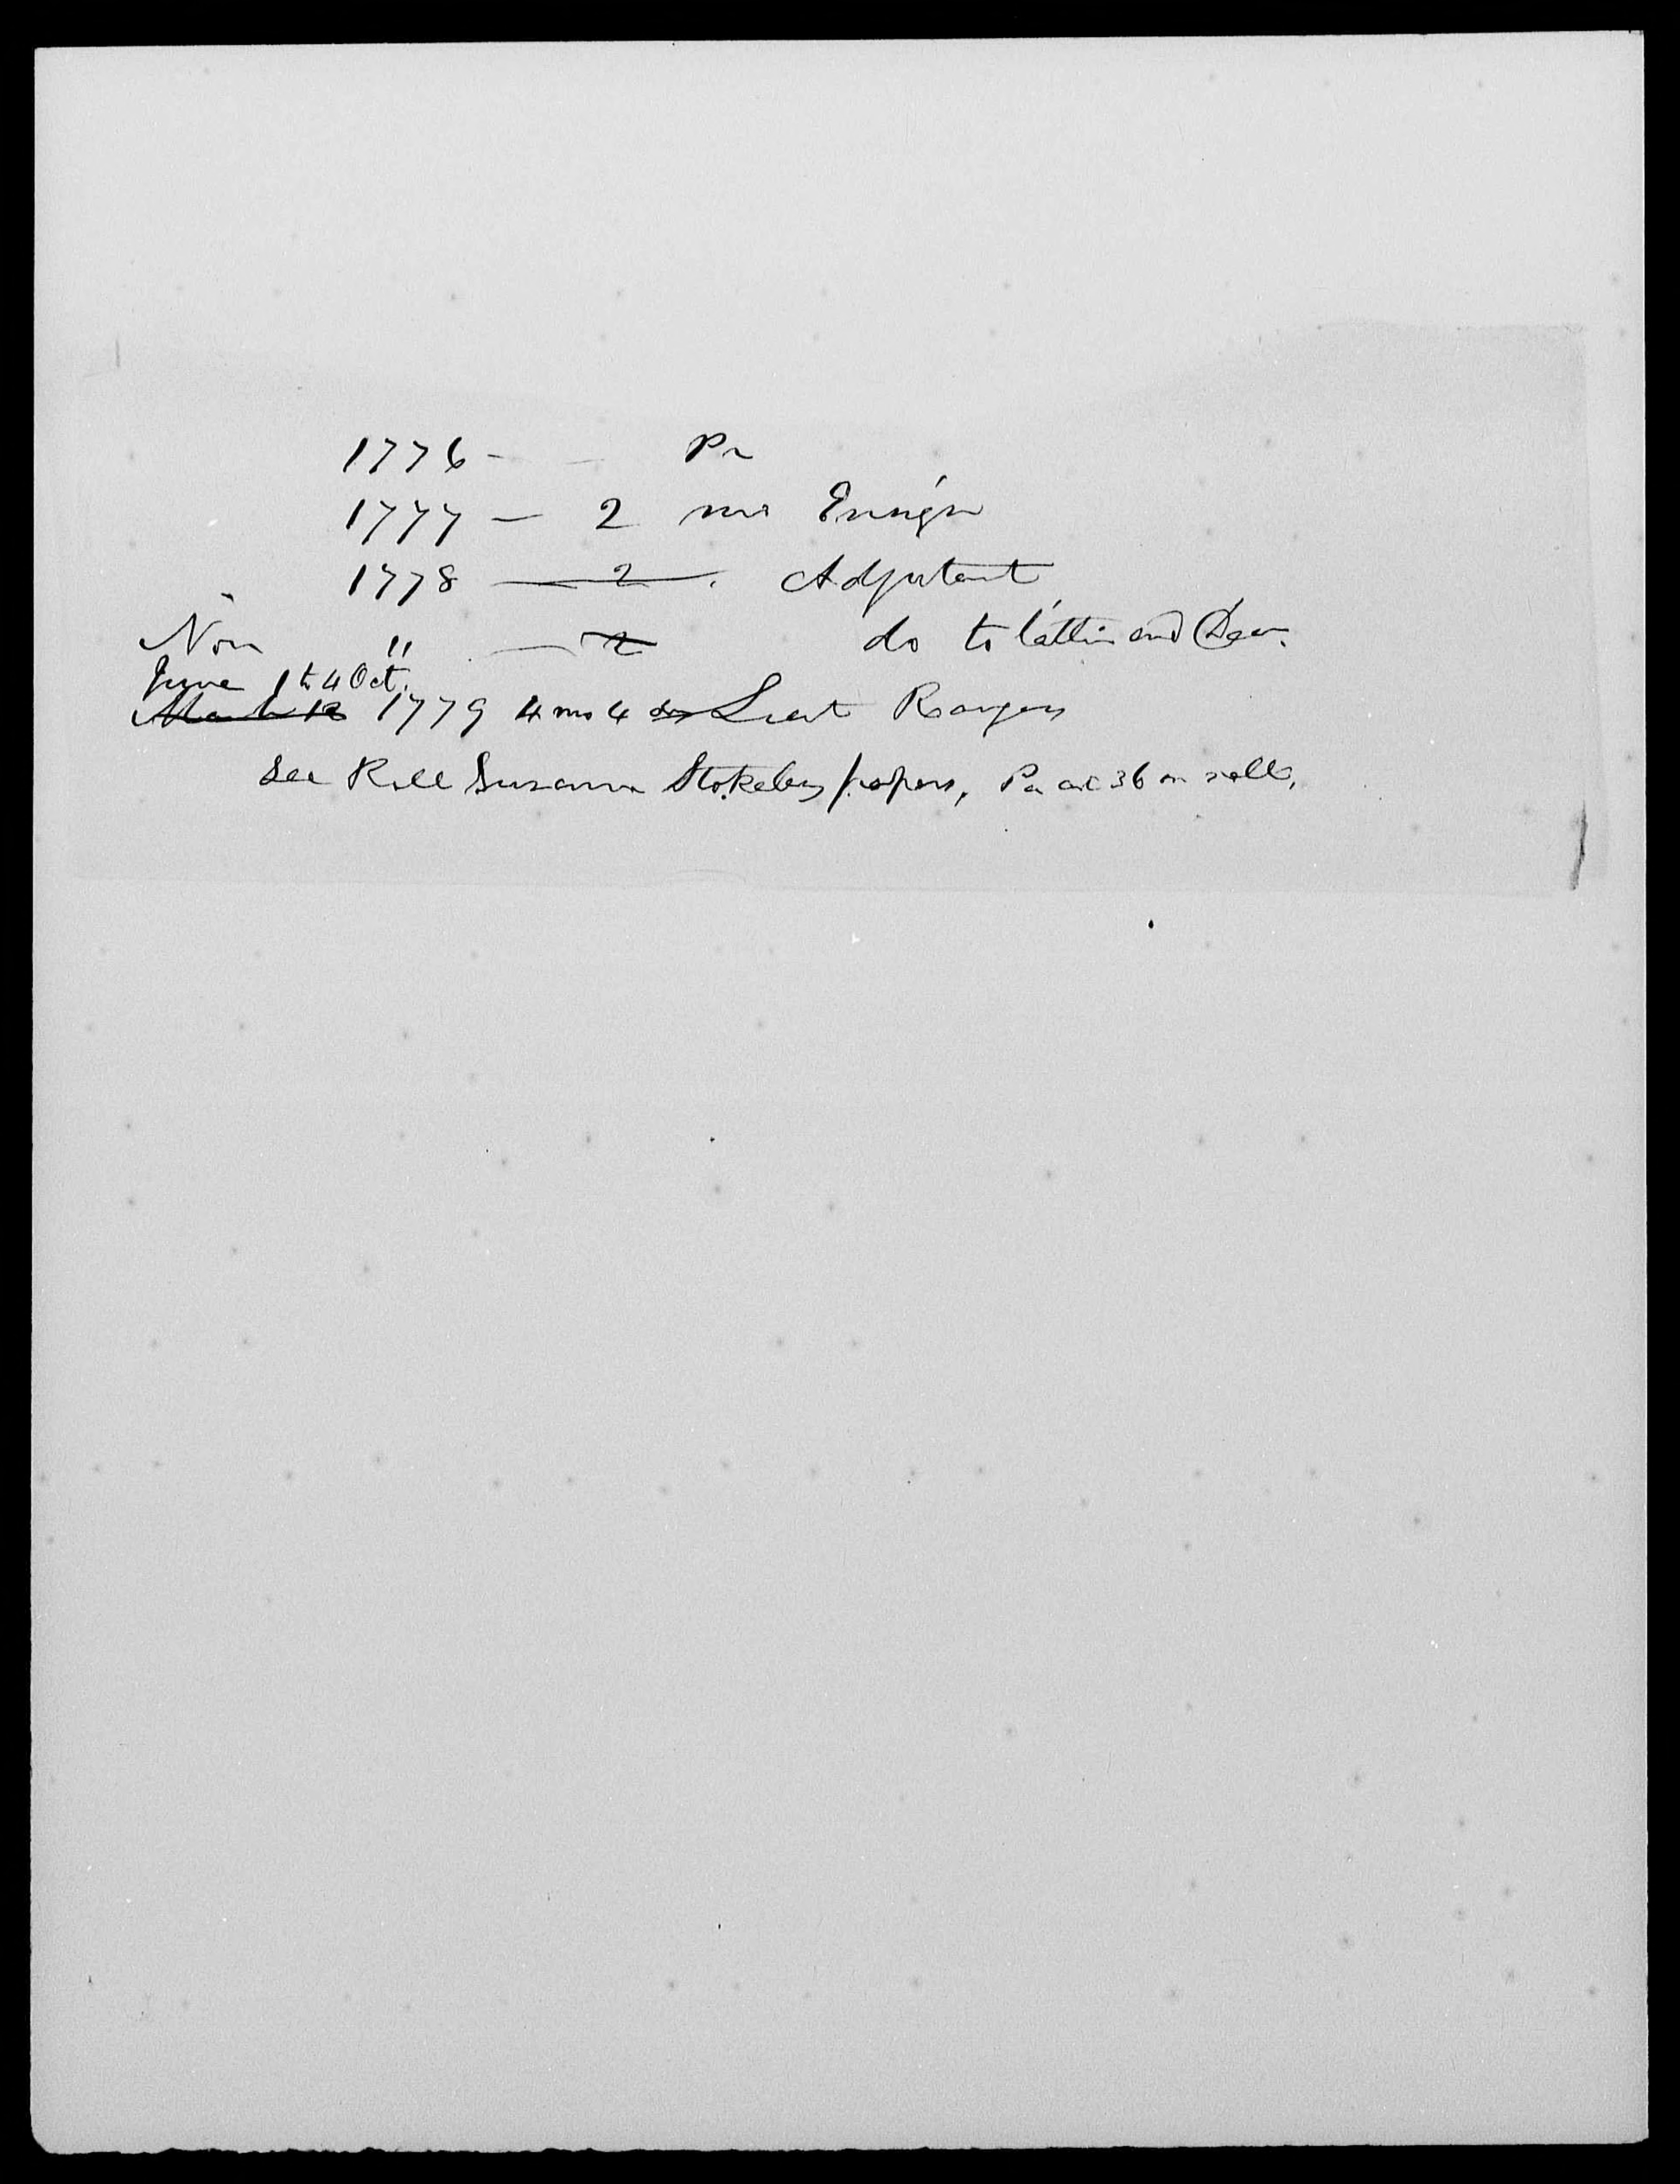1776 - Pa
1777 - 2 mo Ensign
1778 - 2 Adjutant
Nov " - As to letter and Dec.
Jun 1 to 4 Oct. 1779 4 mos 4 days Lieut Rogers
See Roll Susanna Stokeley papers, Pa at 36 on roll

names: Susan Stokeley, Rogers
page: 31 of 83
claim: widow's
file: W. 5946, John Brandon, Penn